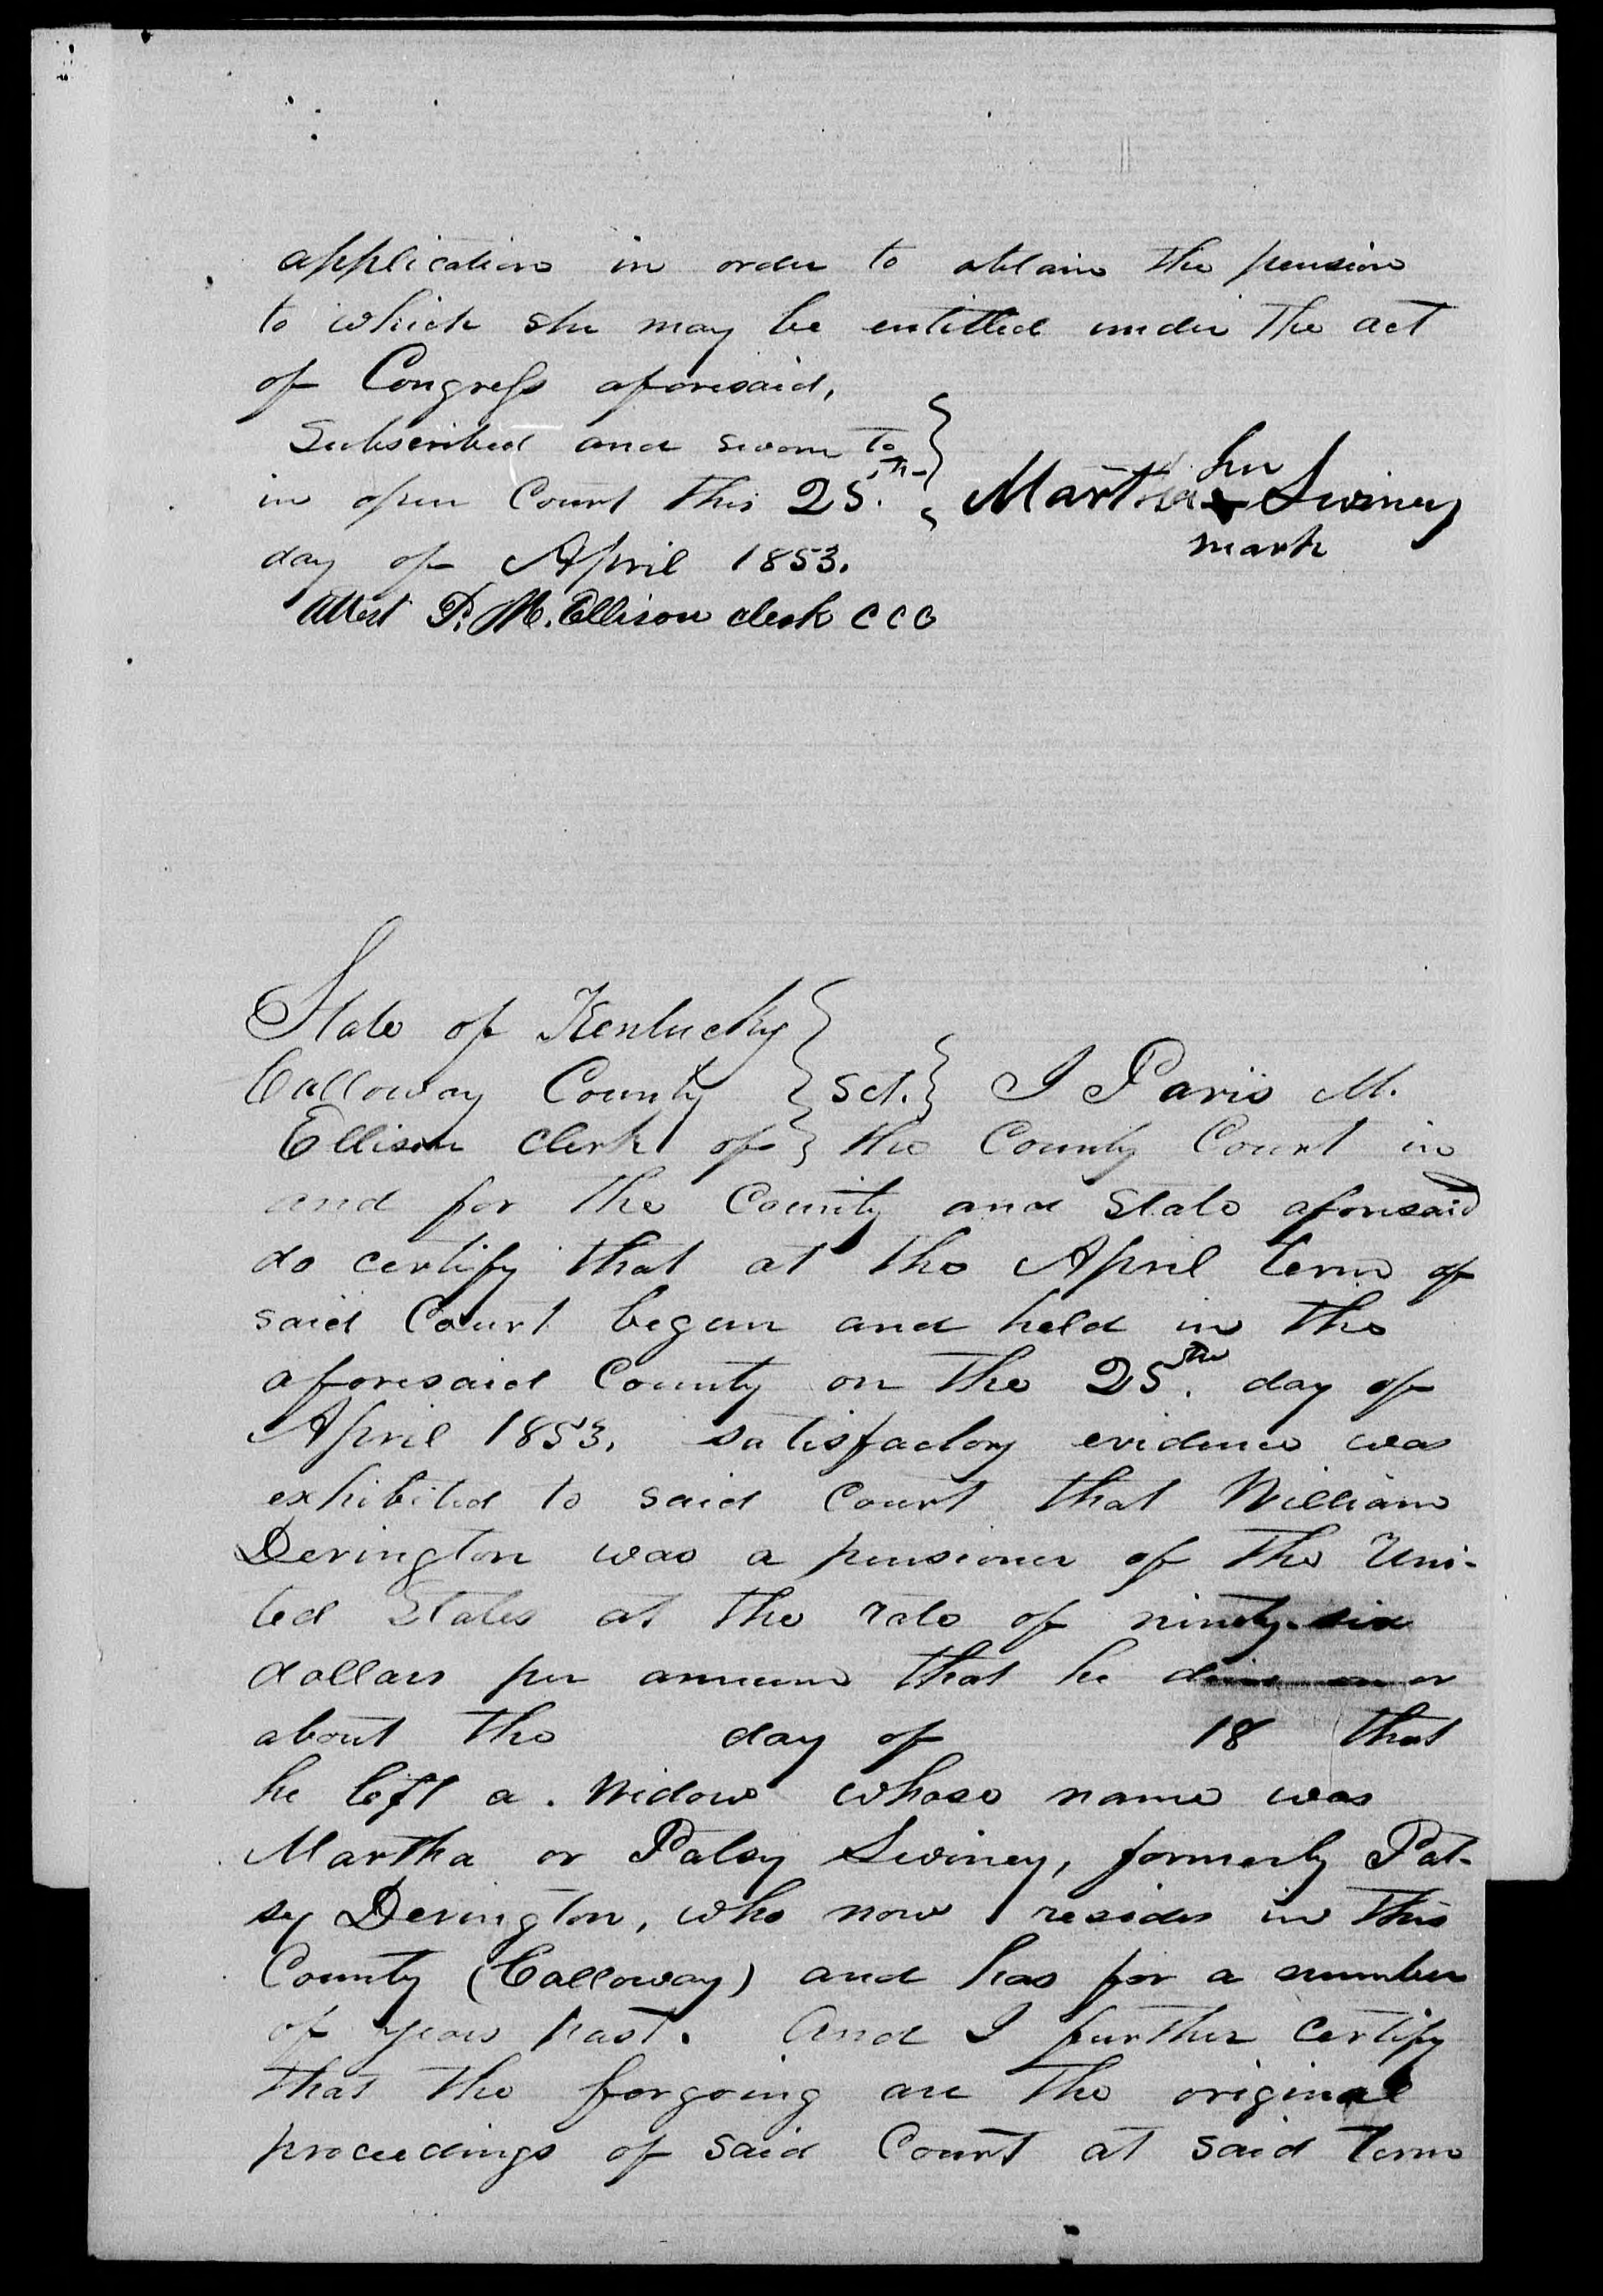application in order to obtain the pension to which she may be entitled under the act of Congress aforesaid,
Subscribed and sworn to in open Court this 25th day of April 1853.
Attest P.M. Ellison clerk CCC
          her
Martha X Swiney
          mark

State of Kentucky
Calloway County

I Paris M. Ellison clerk of the County Court in and for the County and State aforesaid do certify that at the April term of said Court begun and held in this aforesaid County on the 25th day of April 1853, satisfactory evidence was exhibited to said Court that William Denington was a pensionere of the United Sates at the rate of ninety six dollars per annum that he died on or about the ___ day of ___ 18__that he left a widow whose name was Martha or Patsy Swiney, formerly Patsy Denington, who now resided in this County (Calloway) and has for a number of years past.  And I further certify that the forgoing are the original proceedings of said Cout at said time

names: P M Ellison, William Derington, Patsy Derington, Martha Swiney, Martha Swiney, Patsy Swiney, Paris M Ellison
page: 11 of 51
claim: widow's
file: W. 27,409, William Dunnington, Md.